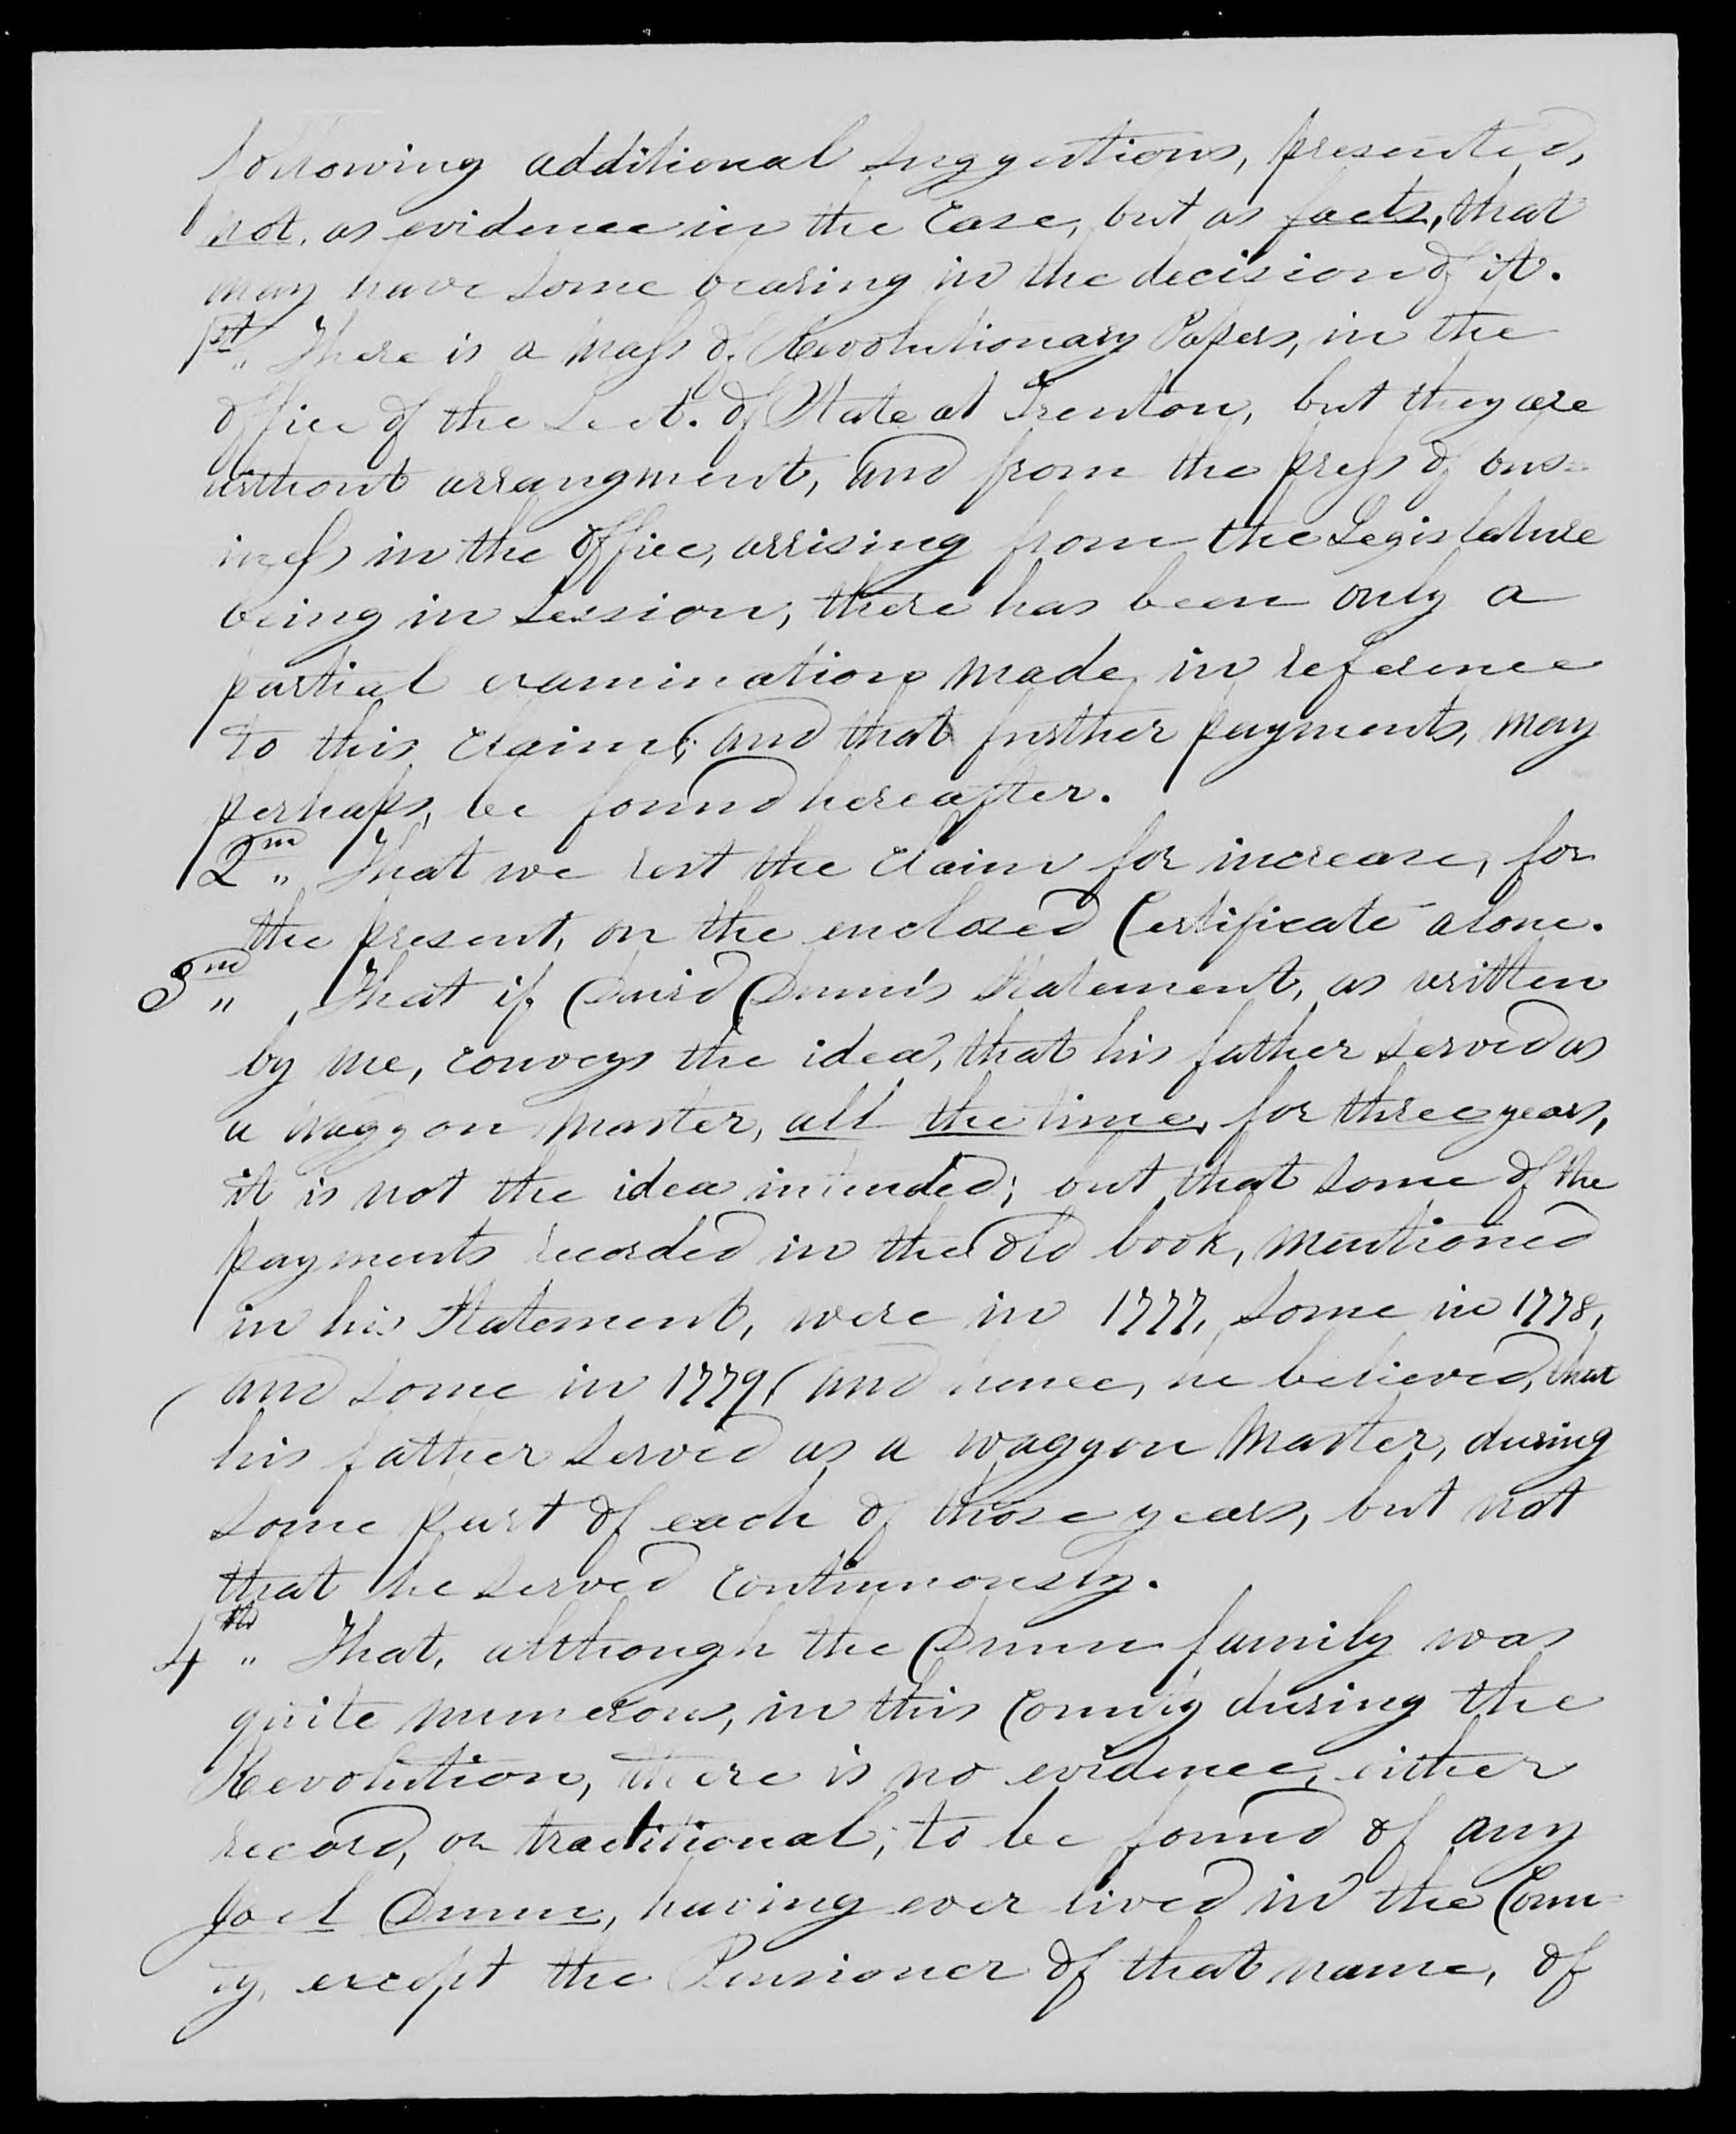following Additional suggestions, presented,
not as evidence in the case, but as facts, that
may have some bearing in the decision of it.
1st There is a map & Revolutionary Papers, in the
office of the Sect. of State at Trenton, but they are
without arrangment, and from press & business,
in the office, arrising from the Legislature
being in Session, there has been only a
partial communication made in reference
to this claim, and that further payments, may
perhaps, be found hereafter.
2nd That we test the claim for increase, for
the present, on the enclosed Certificate alone.
3rd That if David Dunn's statement, as written
by me, conveys the idea, that his father served as
a Waggon Master, all the time, for three years,
it is not the idea intended, but, that some of the
payments recorded in the old book, mentioned
in his statement, were in 1777. Some in 1778, 
and some in 1779 and hence he believed, that 
his father served as a waggon master, during 
some part of each of those years, but not 
that he served continuously.
4th That although the Dunn family was
quite numerous, in this county during the 
Revolution, there is no evidence, either 
record, or traditional to be found of any 
Joel Dunn, having ever lived in the County 
except the Pensioner of that name, of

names: David Dunn, Joel Dunn, Dunn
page: 49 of 52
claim: widow's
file: W. 919, Joel Dunn, New Jersey